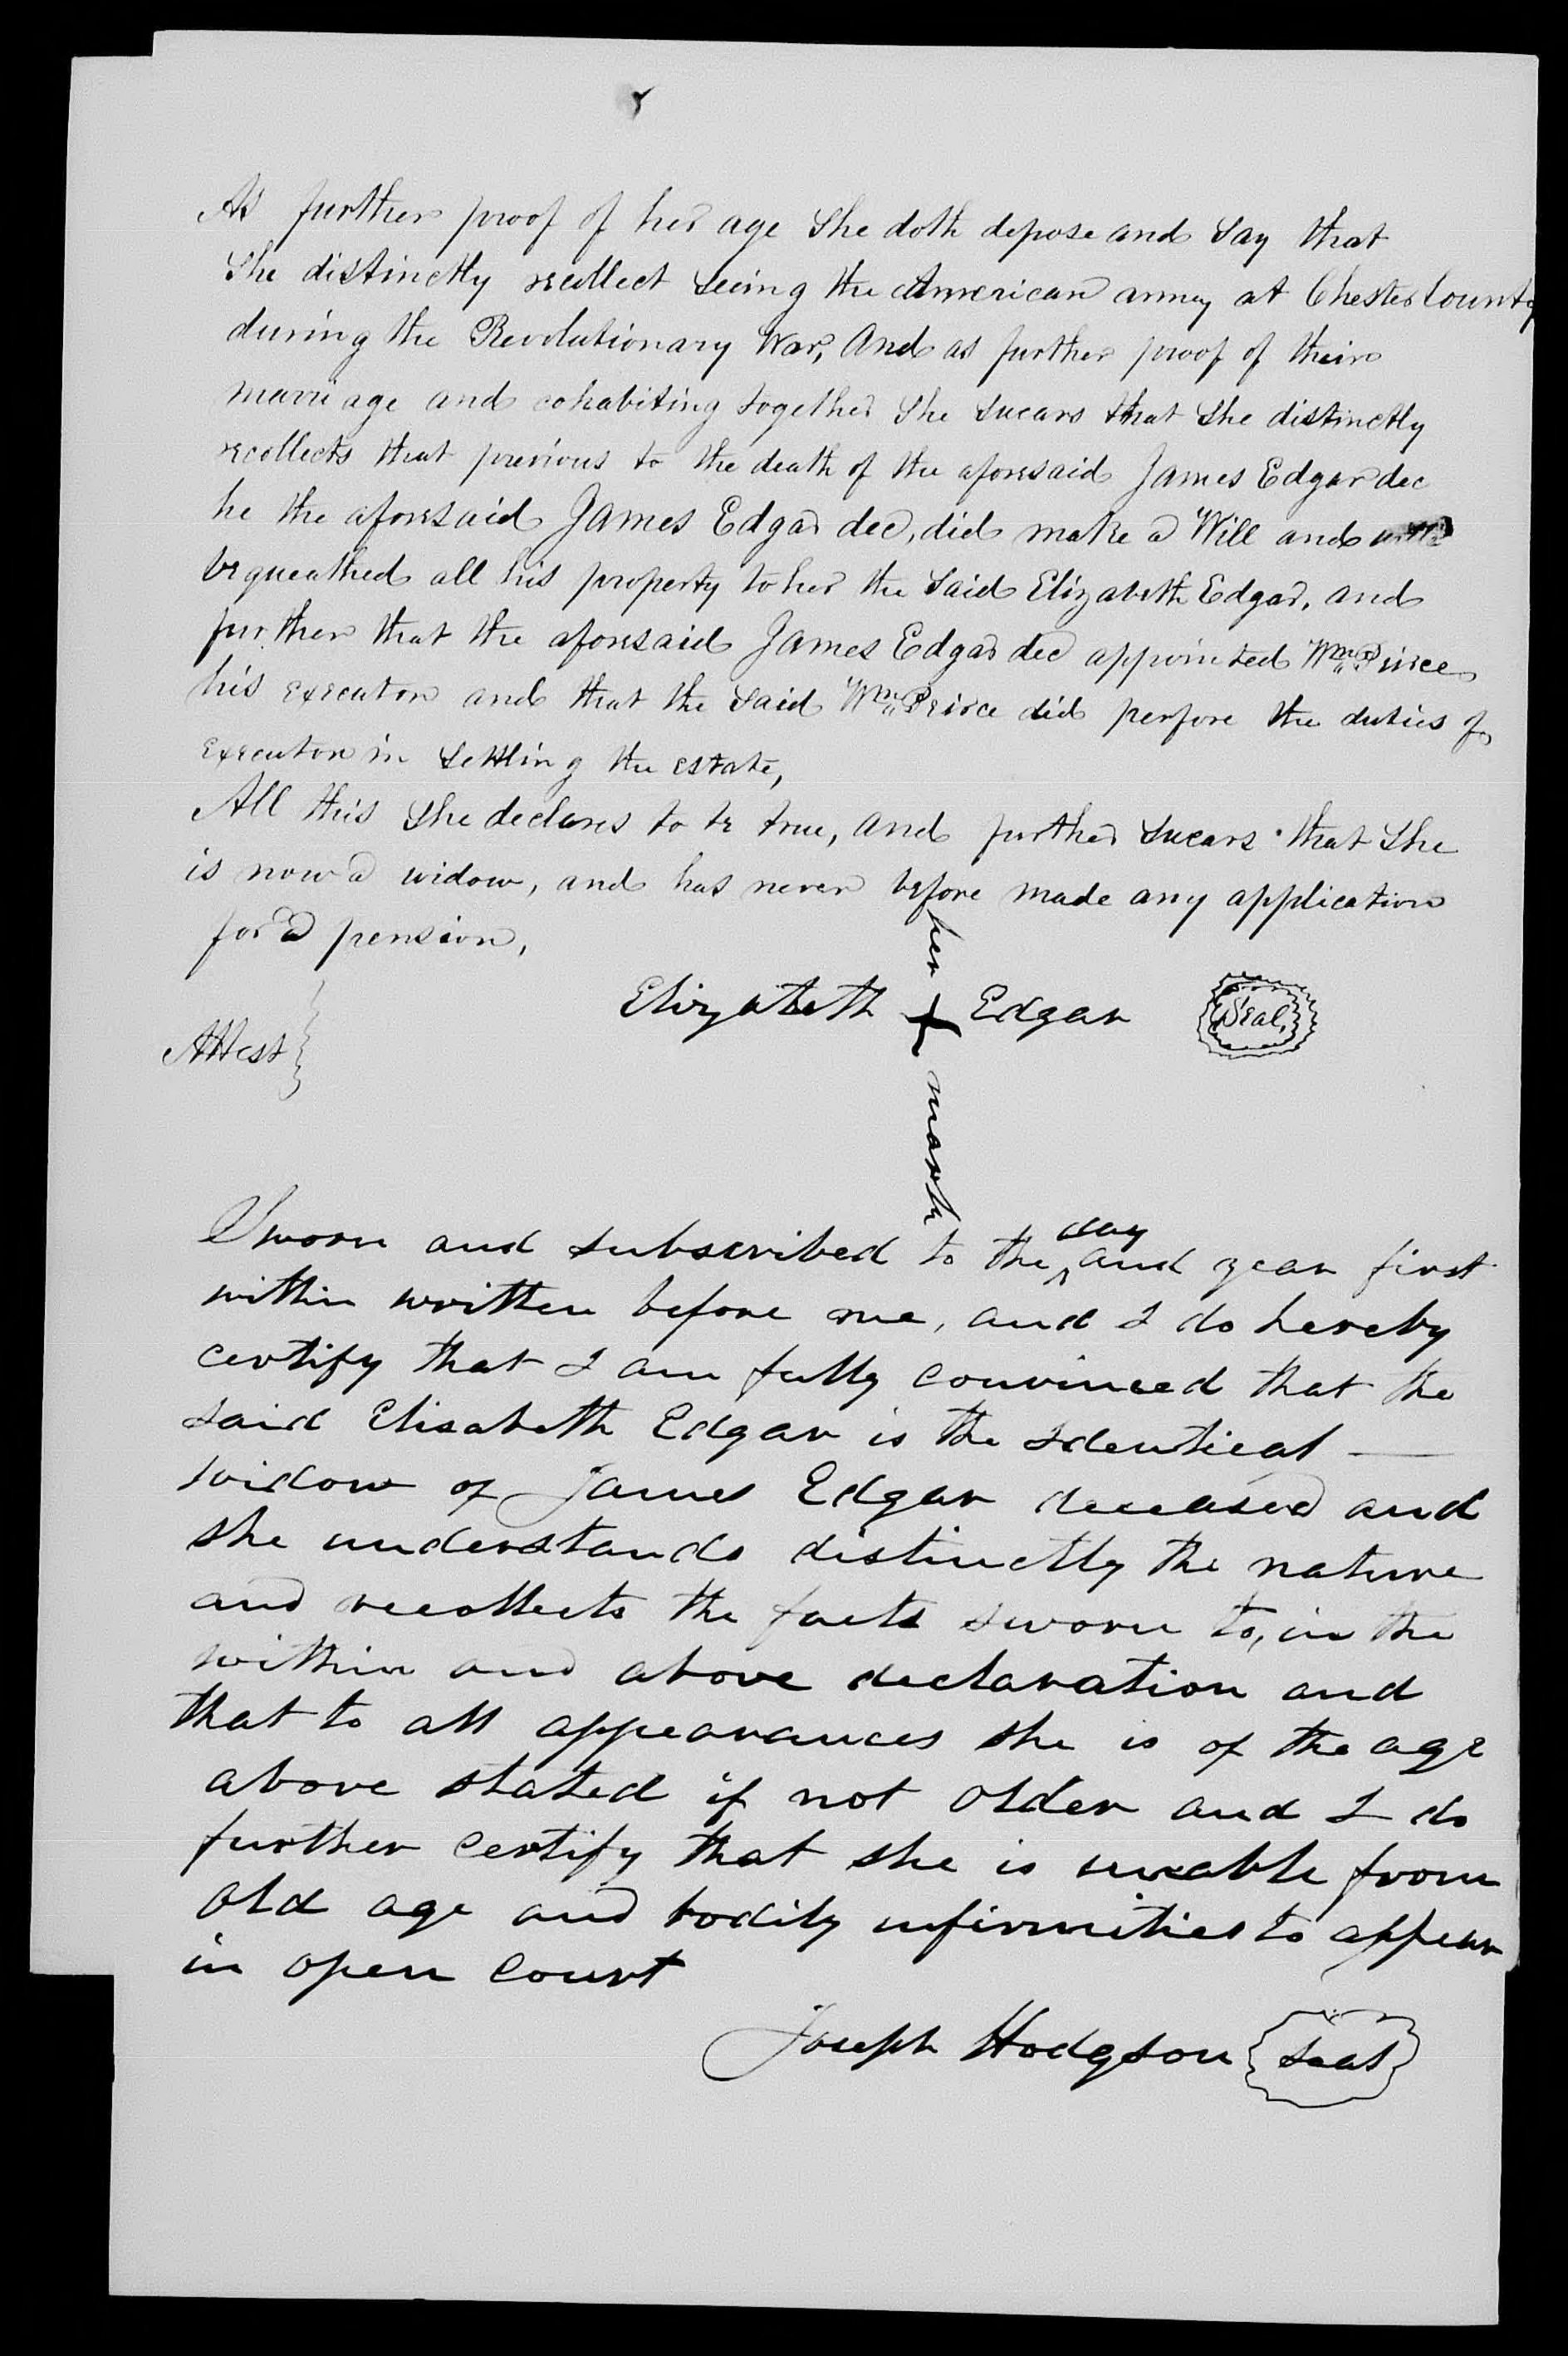As further proof of her age she doth depose and say that she distinctly recollect seeing the American army at Chester County during the Revolutionary War, and as further proof of their Marriage and cohabiting together she swears that she distinctly recollects that previous to the death of the aforesaid James Edgar dec he the aforesaid James Edgar dec, did make a Will and bequeathed all his property to her the said Elizabeth Edgar, and further that the aforesaid James Edgar dec appointed Wm Peirce his Executor and that the said Wm Peirce did perform the duties of
Executor in settling the estate.

All this she declared to be true, and further swears that she is now a widow, and has never before made any application for a pension.
Elizabeth Edgar
Her Mark
(seal)

Attest
Sworn and subscribed to the day and year first
within written before me, and I do hereby
certify that I am fully convinced that the
said Elizabeth Edgar is the Identical----
widow of James Edgar deceased and
she understands distinctly the nature
and recollects the facts sworn to, in the
within and above declaration and
that to all appearances she is of the age
above stated if not older and I do
further certify that she is unable from
old age and bodily infirmities to appear
in open Court.
Joseph Hodgson (seal)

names: Joseph Hodgson, James Edgar, James Edgar, Wm Peirce, James Edgar, Elizabeth Edgar, Wm Peirce, James Edgar, Elisabeth Edgar, Elizabeth Edgar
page: 15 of 74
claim: widow's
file: W. 9422, James Edgar, Penn.